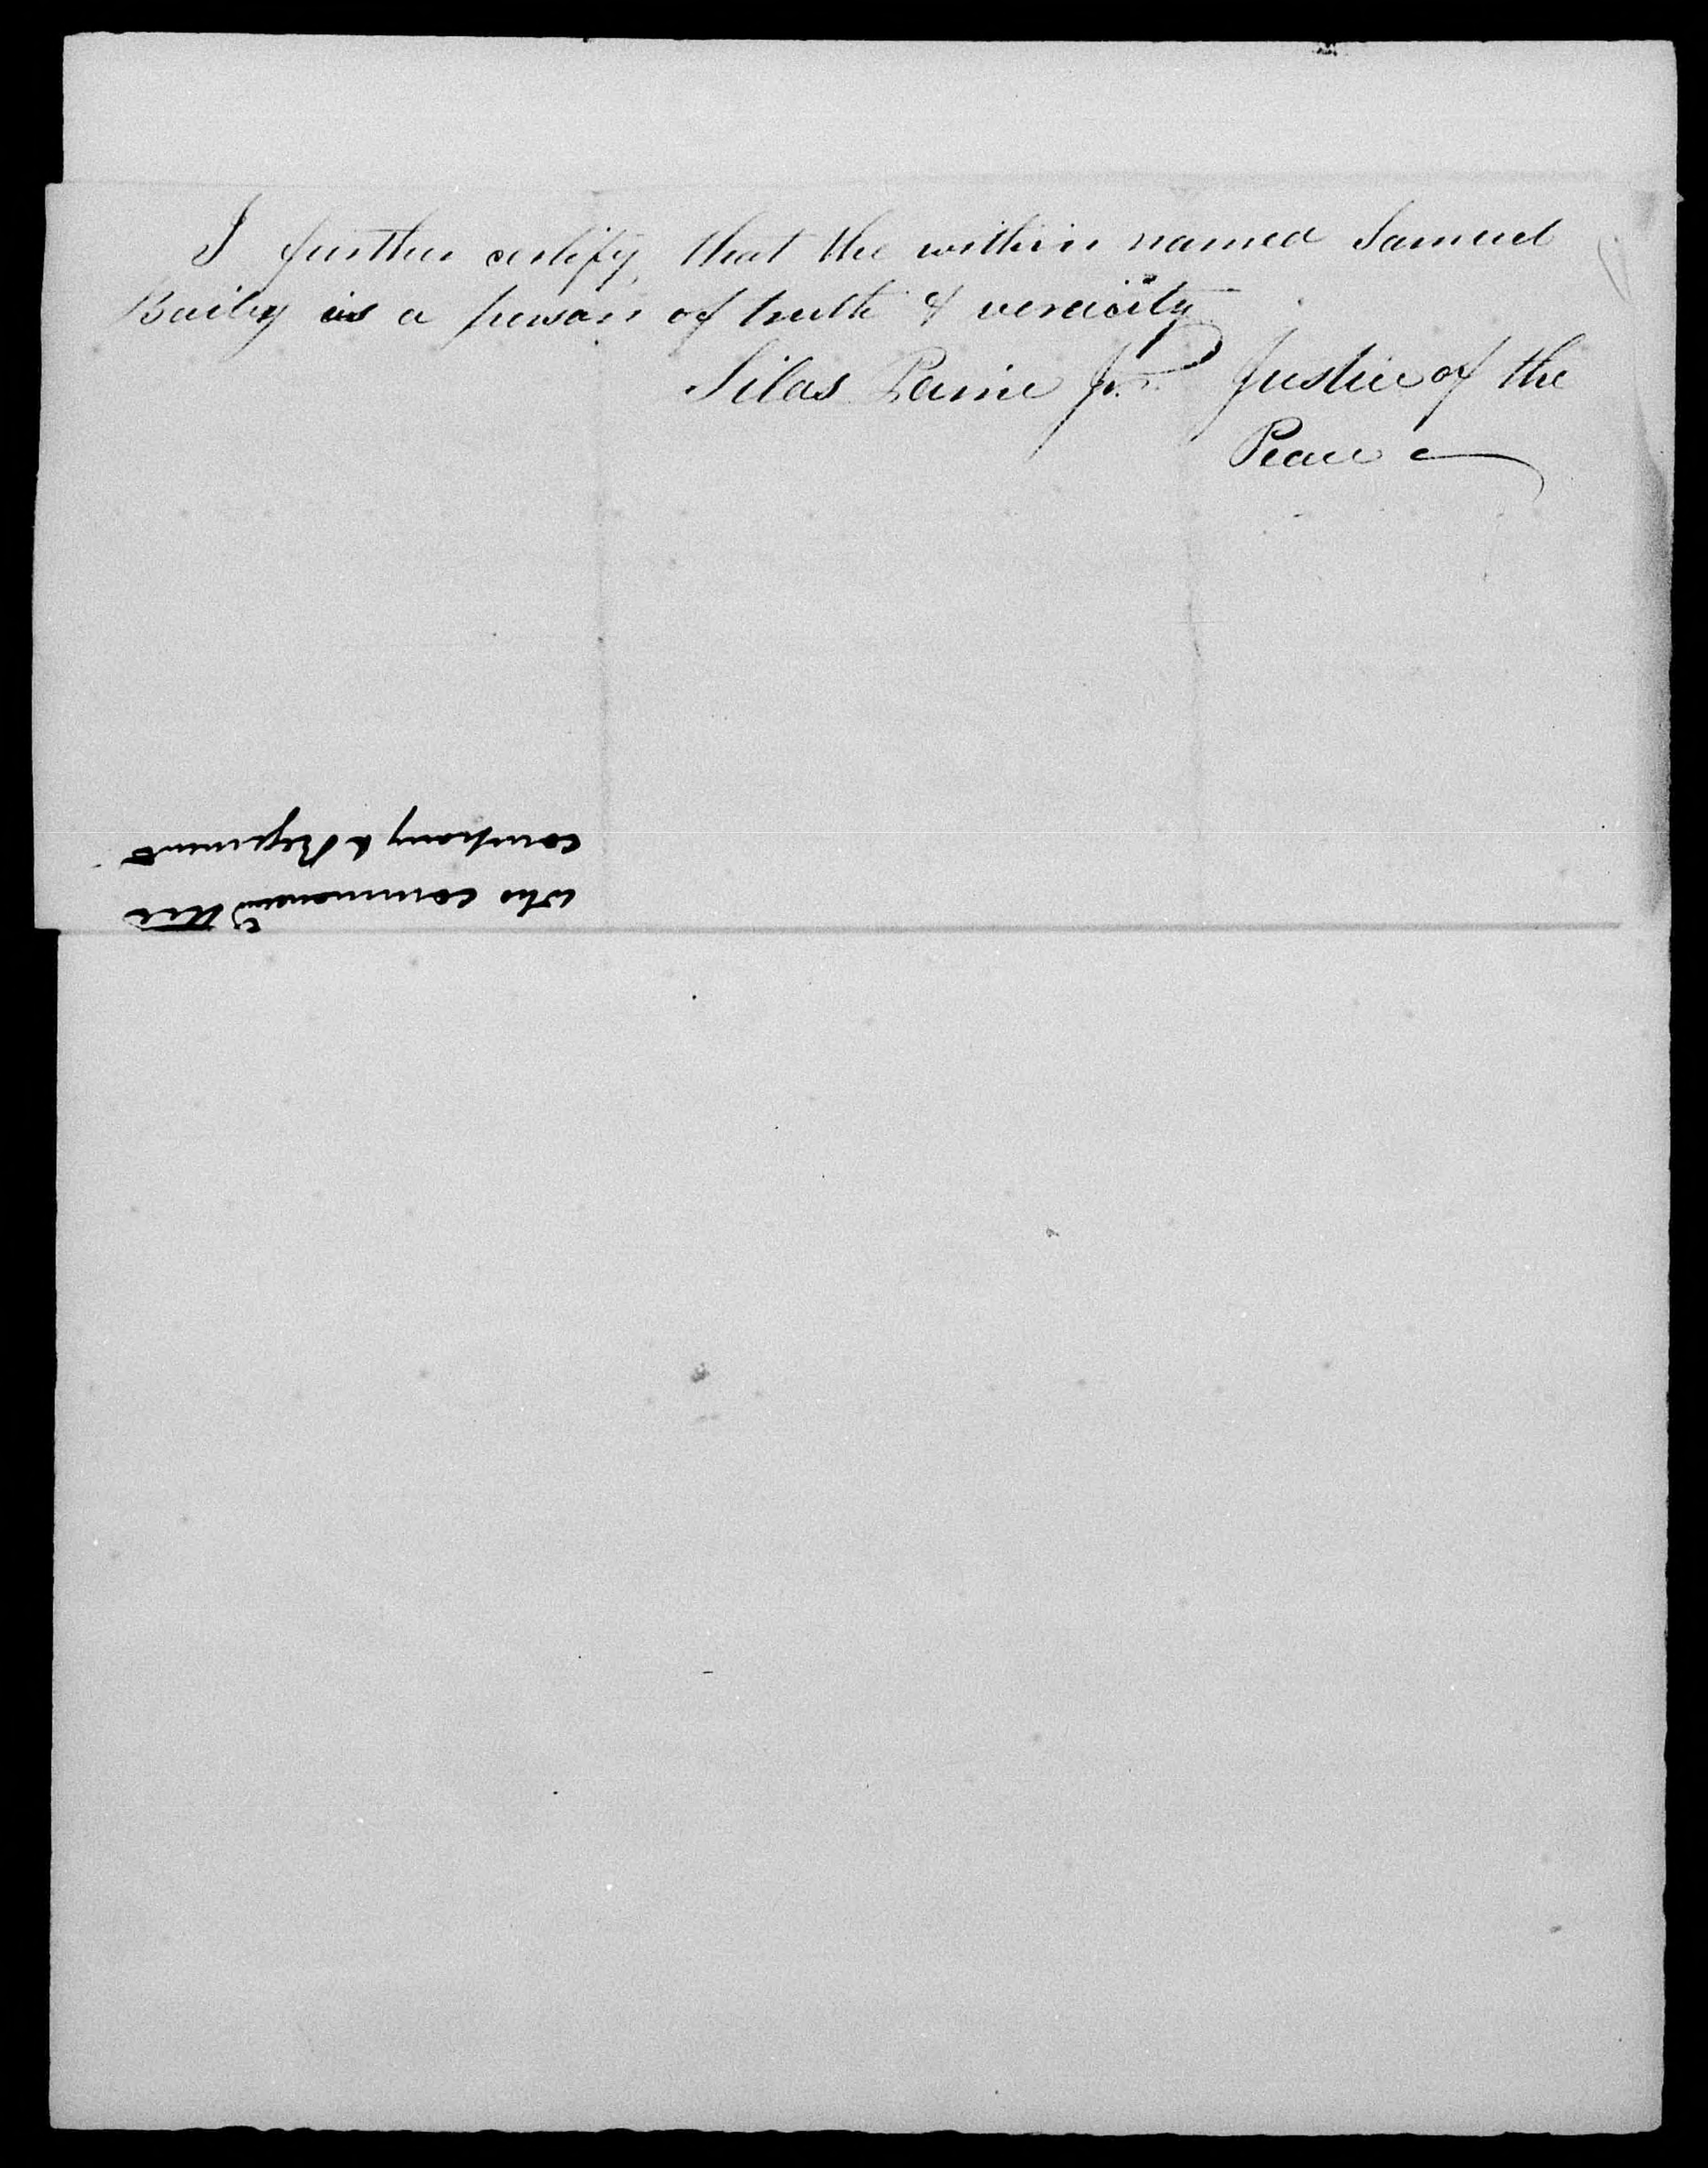I further certify
that the within named Samuel
Bailey is a person of truth & veracity
Silas Paine Jr. Justice of the
Peace --


[written upside down at bottom]
who commanded the
company & Regiment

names: Samuel Bailey, Silas Paine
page: 6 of 38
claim: widow's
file: W. 24,235, Silvanus French, Mass.